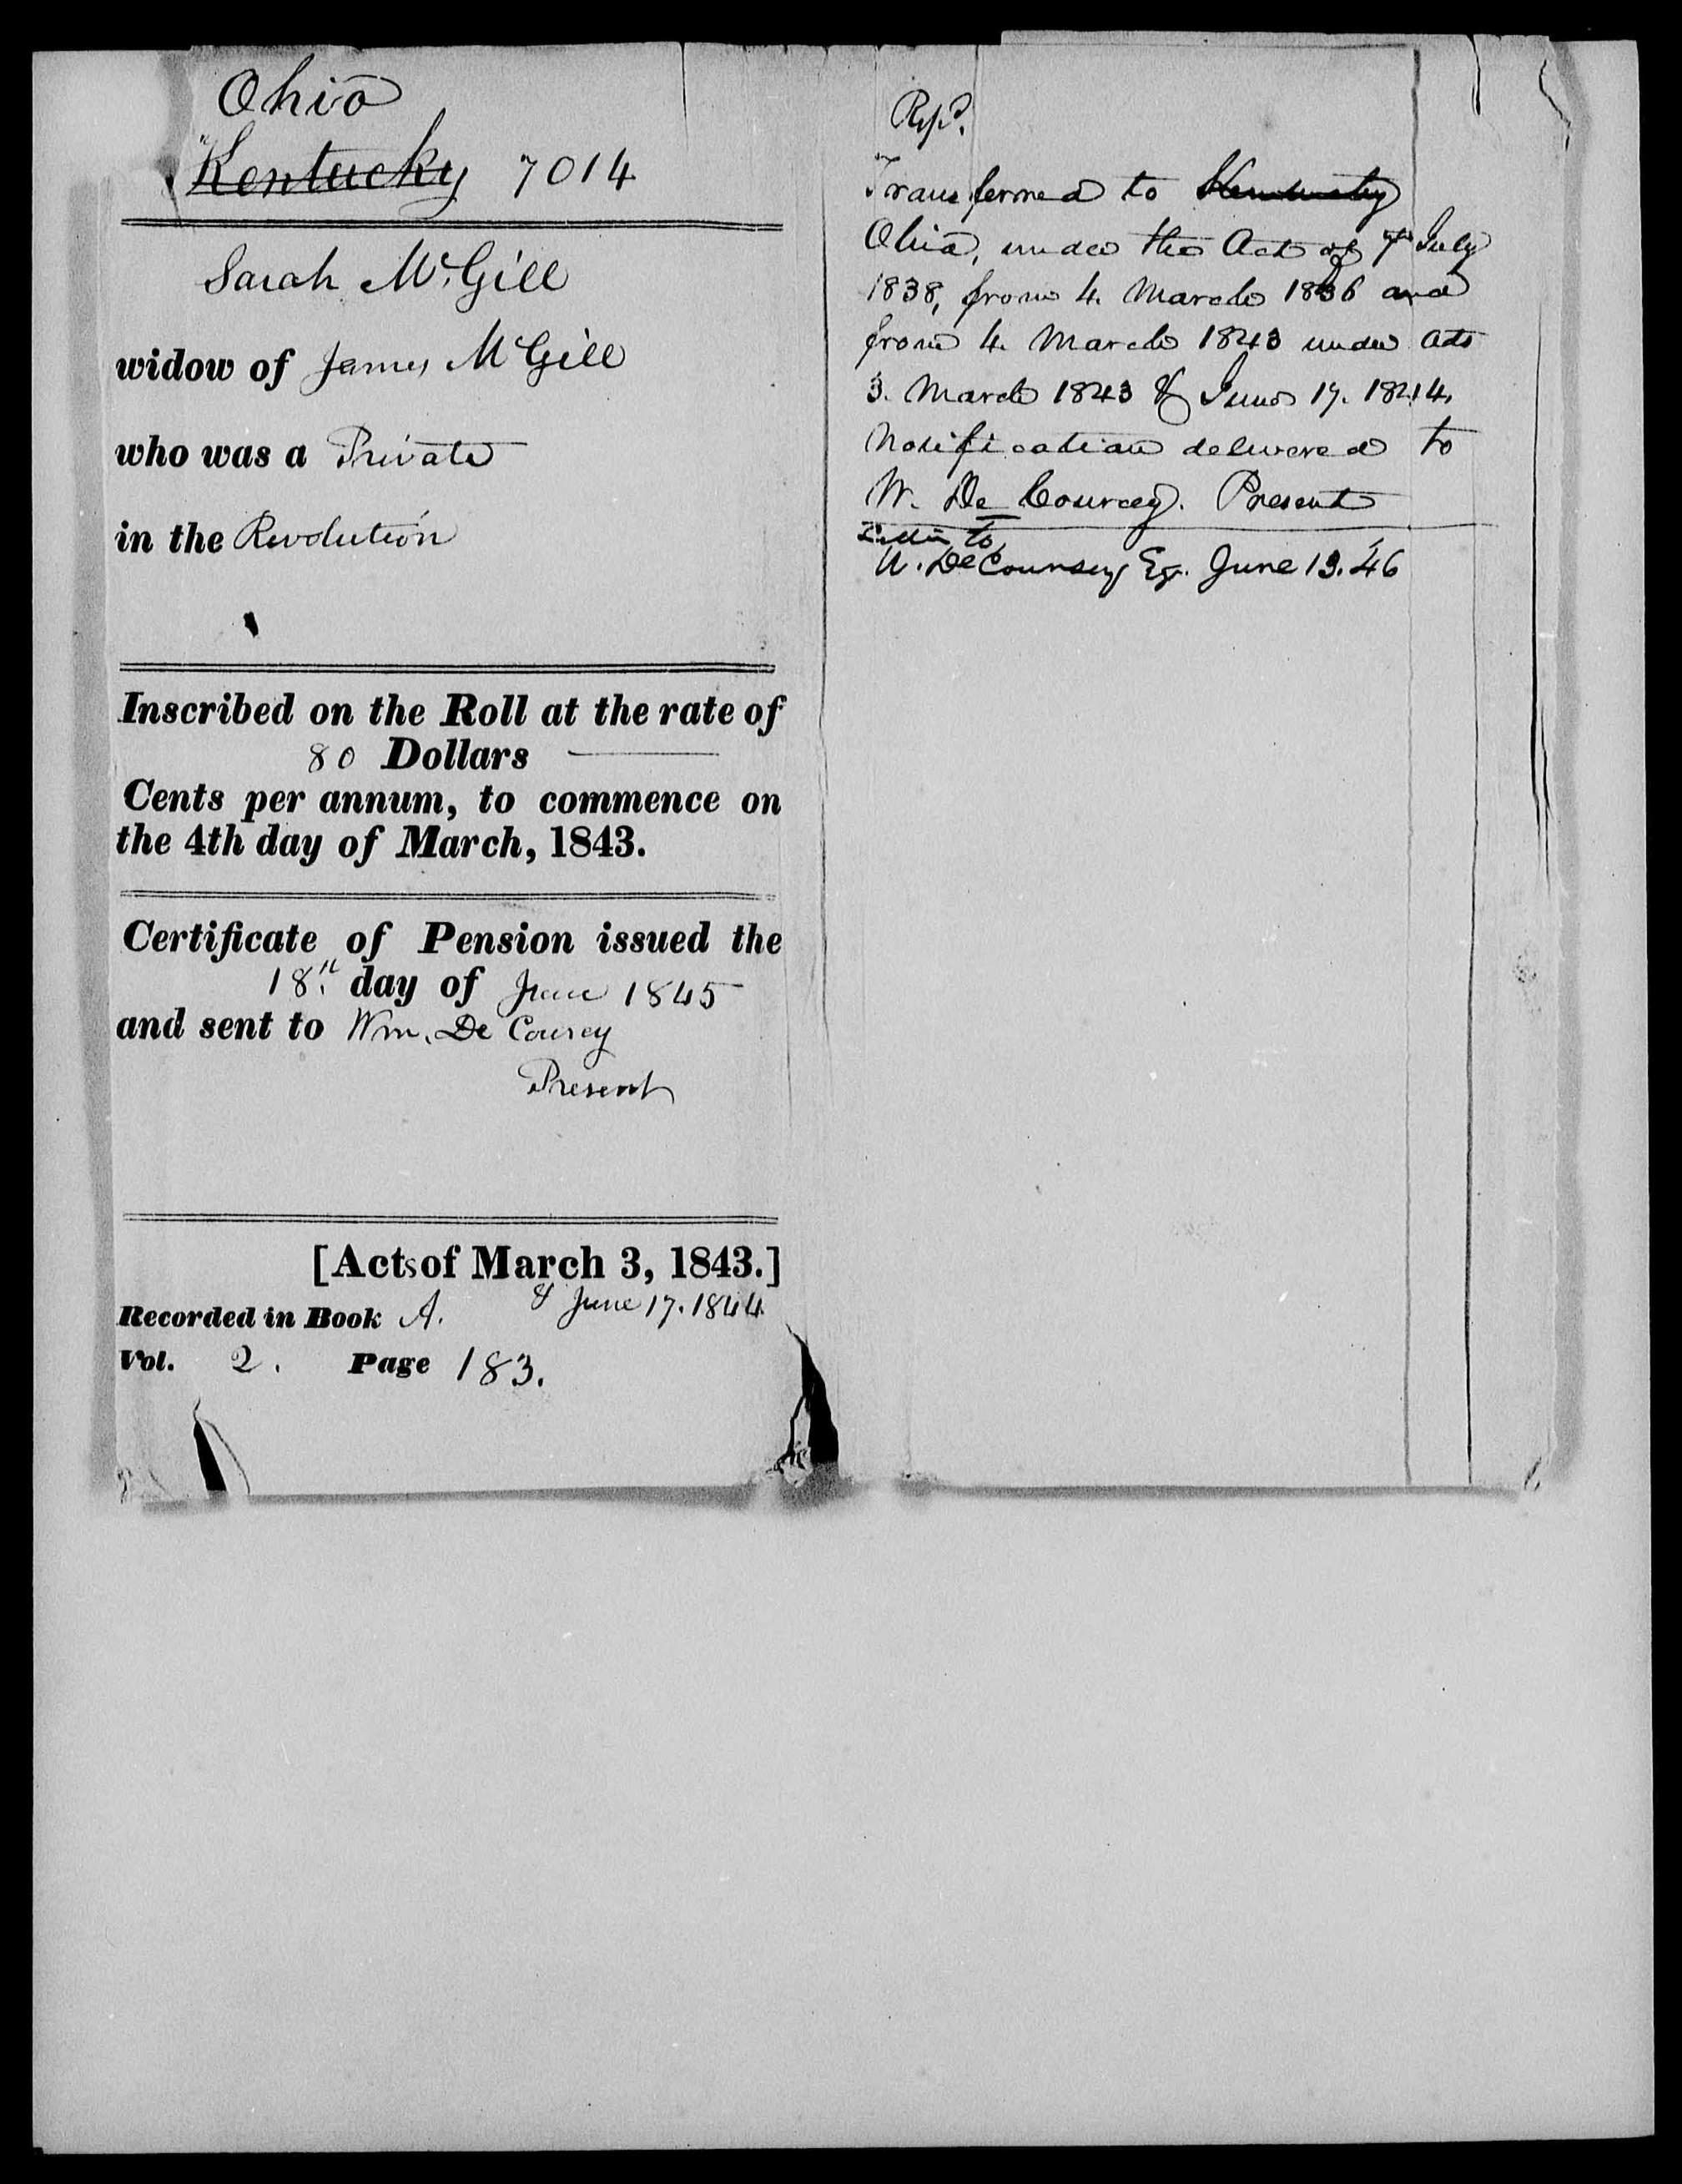Image 85       image  4160873_00085.jpg   
Fold3 File #23857251
[Form] 
[Left side] Ohio [Kentucky crossed out]  7014  
Sarah McGill  widow of James McGill who was a private in the Revolution.  
Inscribed on the Roll at the rate of 80 dollars ... to commence on the 4th day of March 1843. Certificate of Pension issued the 18th day of June 1845 and sent to Wm De Courcy     Present   
Act of March 3, 1843 & June 17, 1844   Recorded in Book A., Vol. 2, Page 183.
[Right side] Refd. [Referred] Transferred to Ohio under the Act of July 1838, from 4 March 1836 and from 4 March 1843 under Acts 3 March 1843 & June 19 1824, notification delivered to          W. De Courcy. Present
Letter to W. De Coursey, Esq. June 13. '46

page: 27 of 71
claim: widow's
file: W. 8428, for James Mc Gill, Pennsylvania